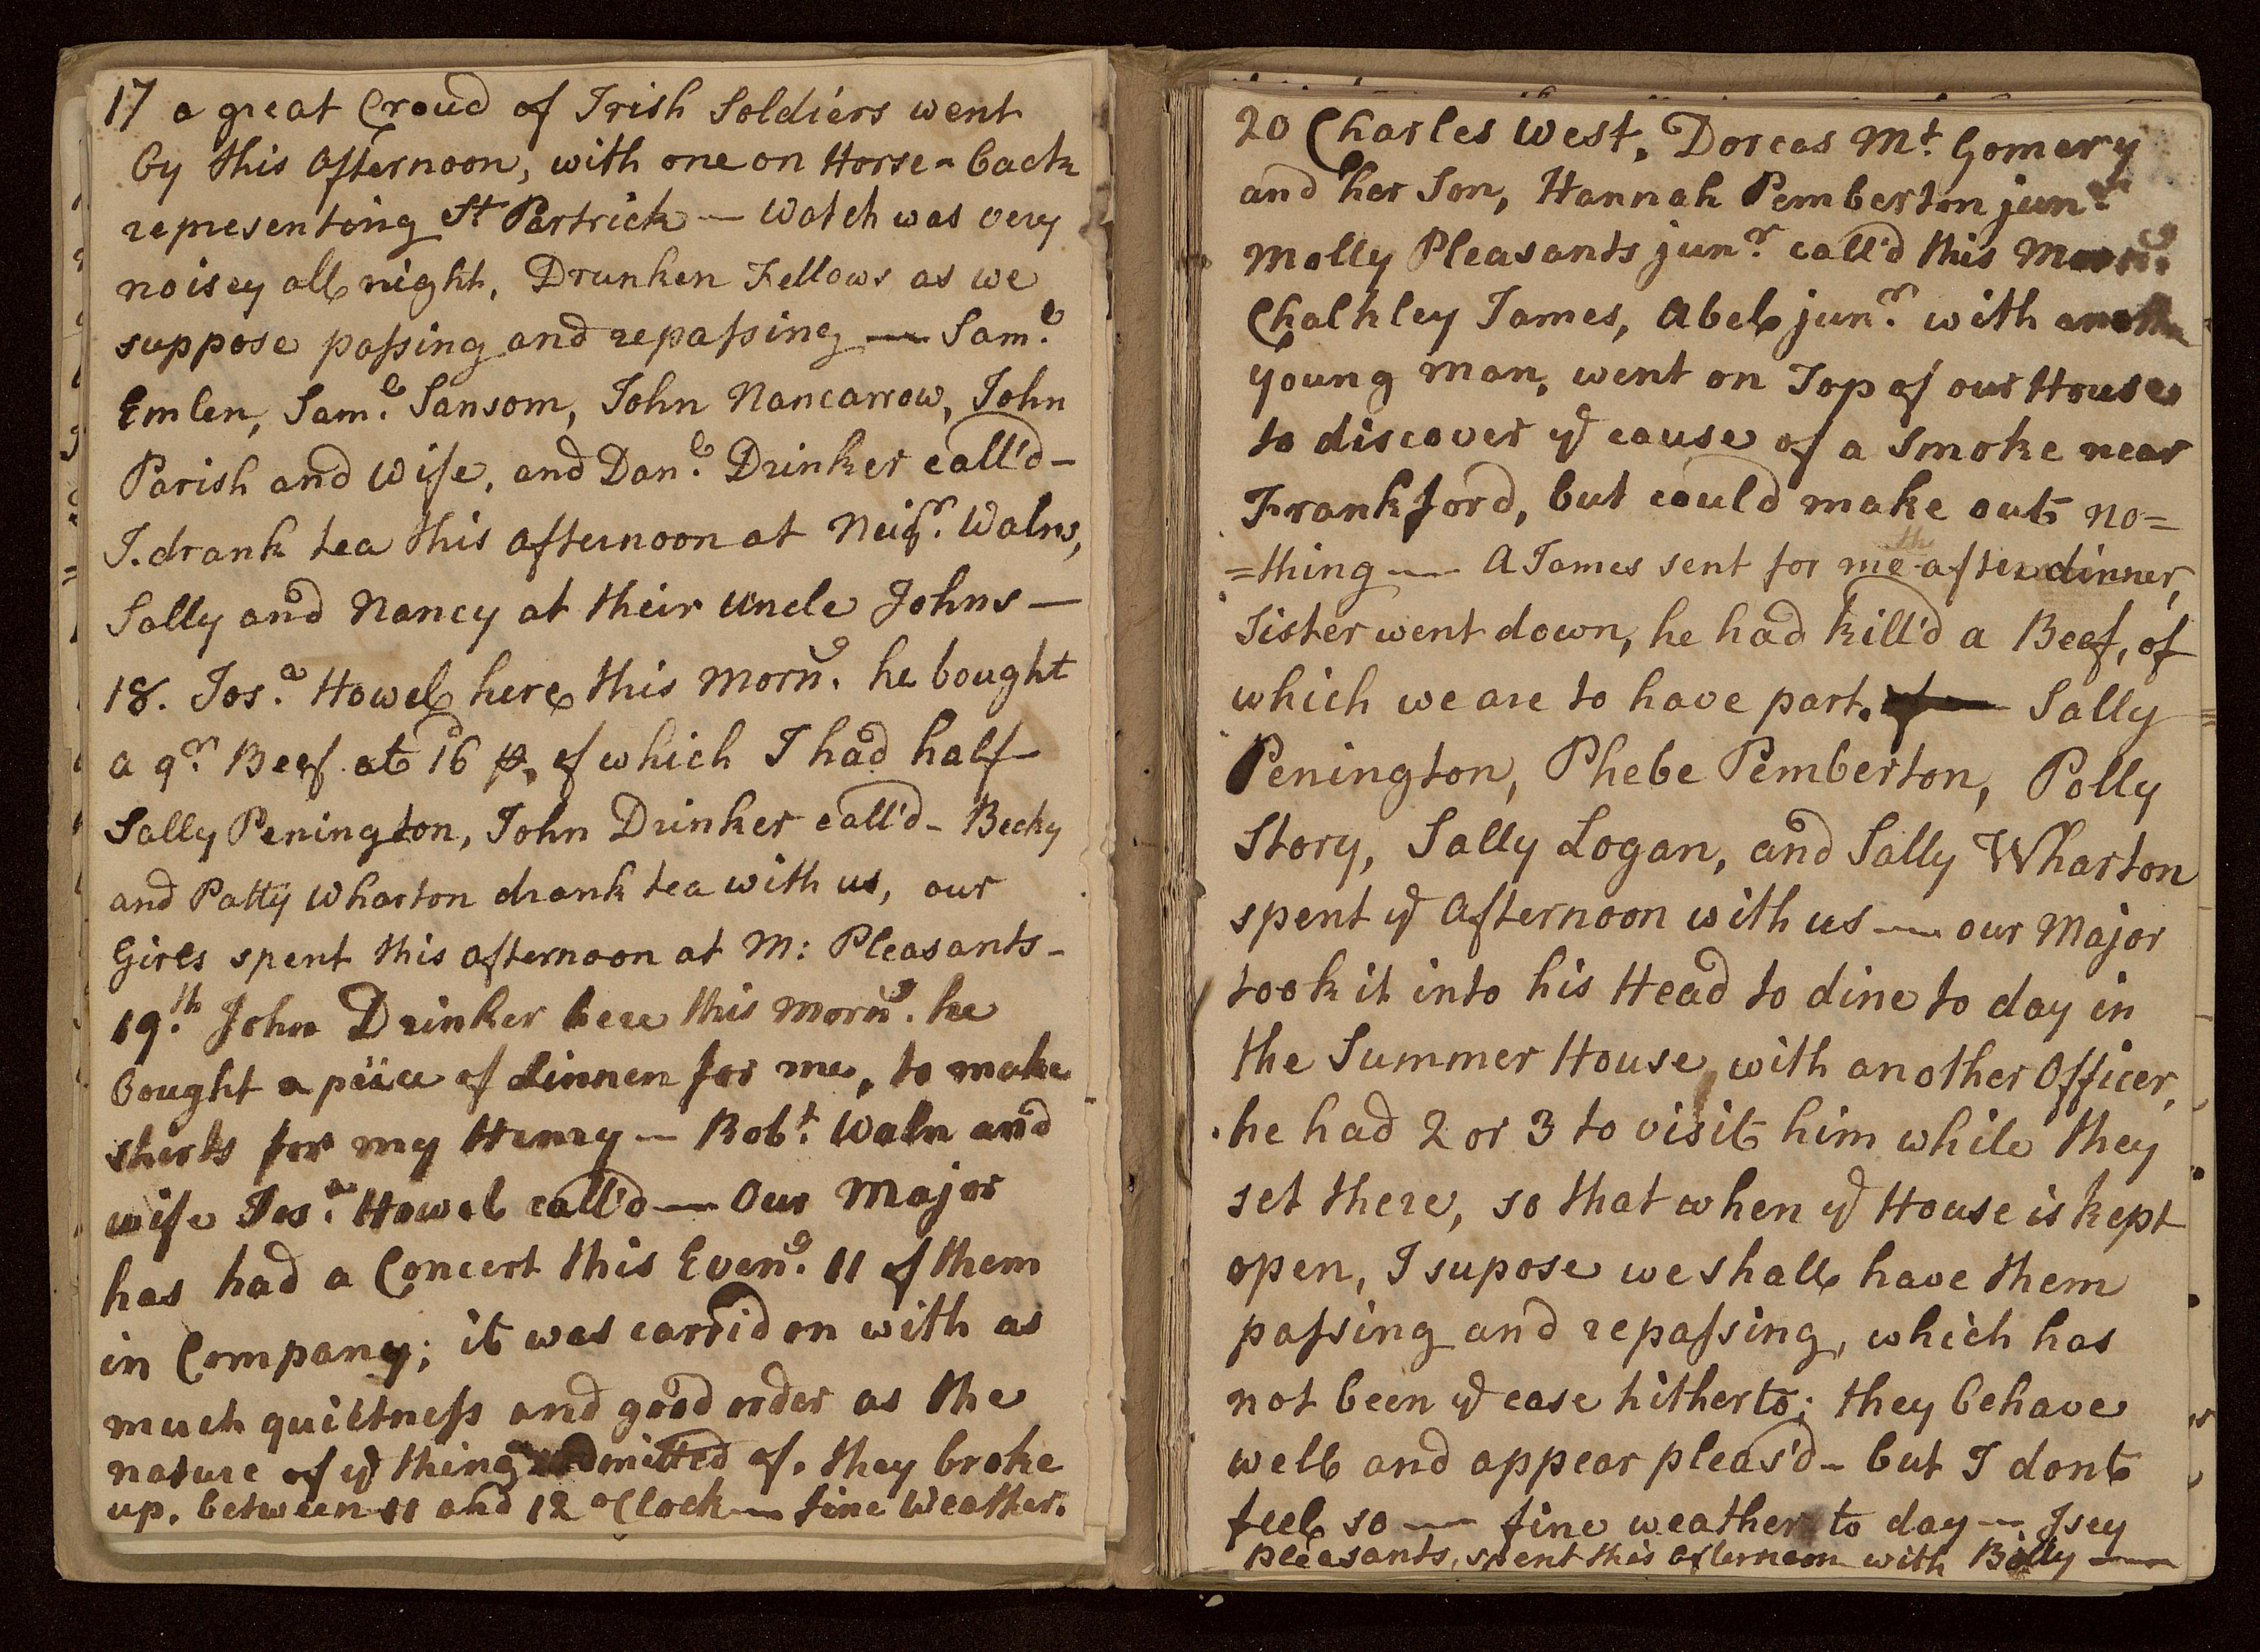17 a great Croud of Irish Soldiers went
by this afternoon, with one on Horse-back
representing S^t. Partrick- Watch was very
noisey all night, Drunken Fellows as we
suppose passing and repassing- Sam^l.
Emlen, Sam^l. Sansom, John Nancarrow, John
Parish and wife, and Dan^l. Drinker call'd-
I. drank tea this afternoon at Neig^r. Walns,
Sally and Nancy at their Uncle Johns-
18. Jos^a. Howel here this morn^g. he bought
a q^r. Beef at 16 per of which I had half
Sally Penington, John Drinker call'd- Becky
and Patty Wharton drank tea with us, our
Girls spent this afternoon at M: Pleasants-
19^th. John Drinker here this morn^g. he
bought a peice of Linnen for me, to make
shirts for my Henry- Rob^r. Waln and
wife Jos^a. Howel call'd- Our Major
has had a Concert this Even^g. 11 of them
in Company; it was carrid on with as
much quickness and good order as the
nature of y^e thing admitted of. they broke
up, between 11 and 12 ^o Clock- fine Weather.
20 Charles West, Dorcas M^t. Gomery
and her Son, Hannah Pemberton jun^r.
Molly Pleasants jun^r. call'd this morn^g.
Chalkley James, Abel jun^r. with another
young man, went on Top of our House
to discover y^e cause of a smoke near
Frankford, but could make out no-
-thing- A James sent for me after dinner,
Sister went down, he had kill'd a Beef, of
which we are to have part. [__] Sally
Penington, Phebe Pemberton, Polly
Story, Sally Logan, and Sally Wharton
spent y^e afternoon with us- our Major
took it into his Head to dine to day in
the Summer House with another Officer,
he had 2 or 3 to visit him while they
set there, so that when y^e House is kept
open, I supose we shall have them
passing and repassing, which has
not been y^e case hitherto; they behave
well and appear pleas'd- but I dont
feel so- fine weather to day-- Isey
Pleasants, spent this afternoon with Betty-